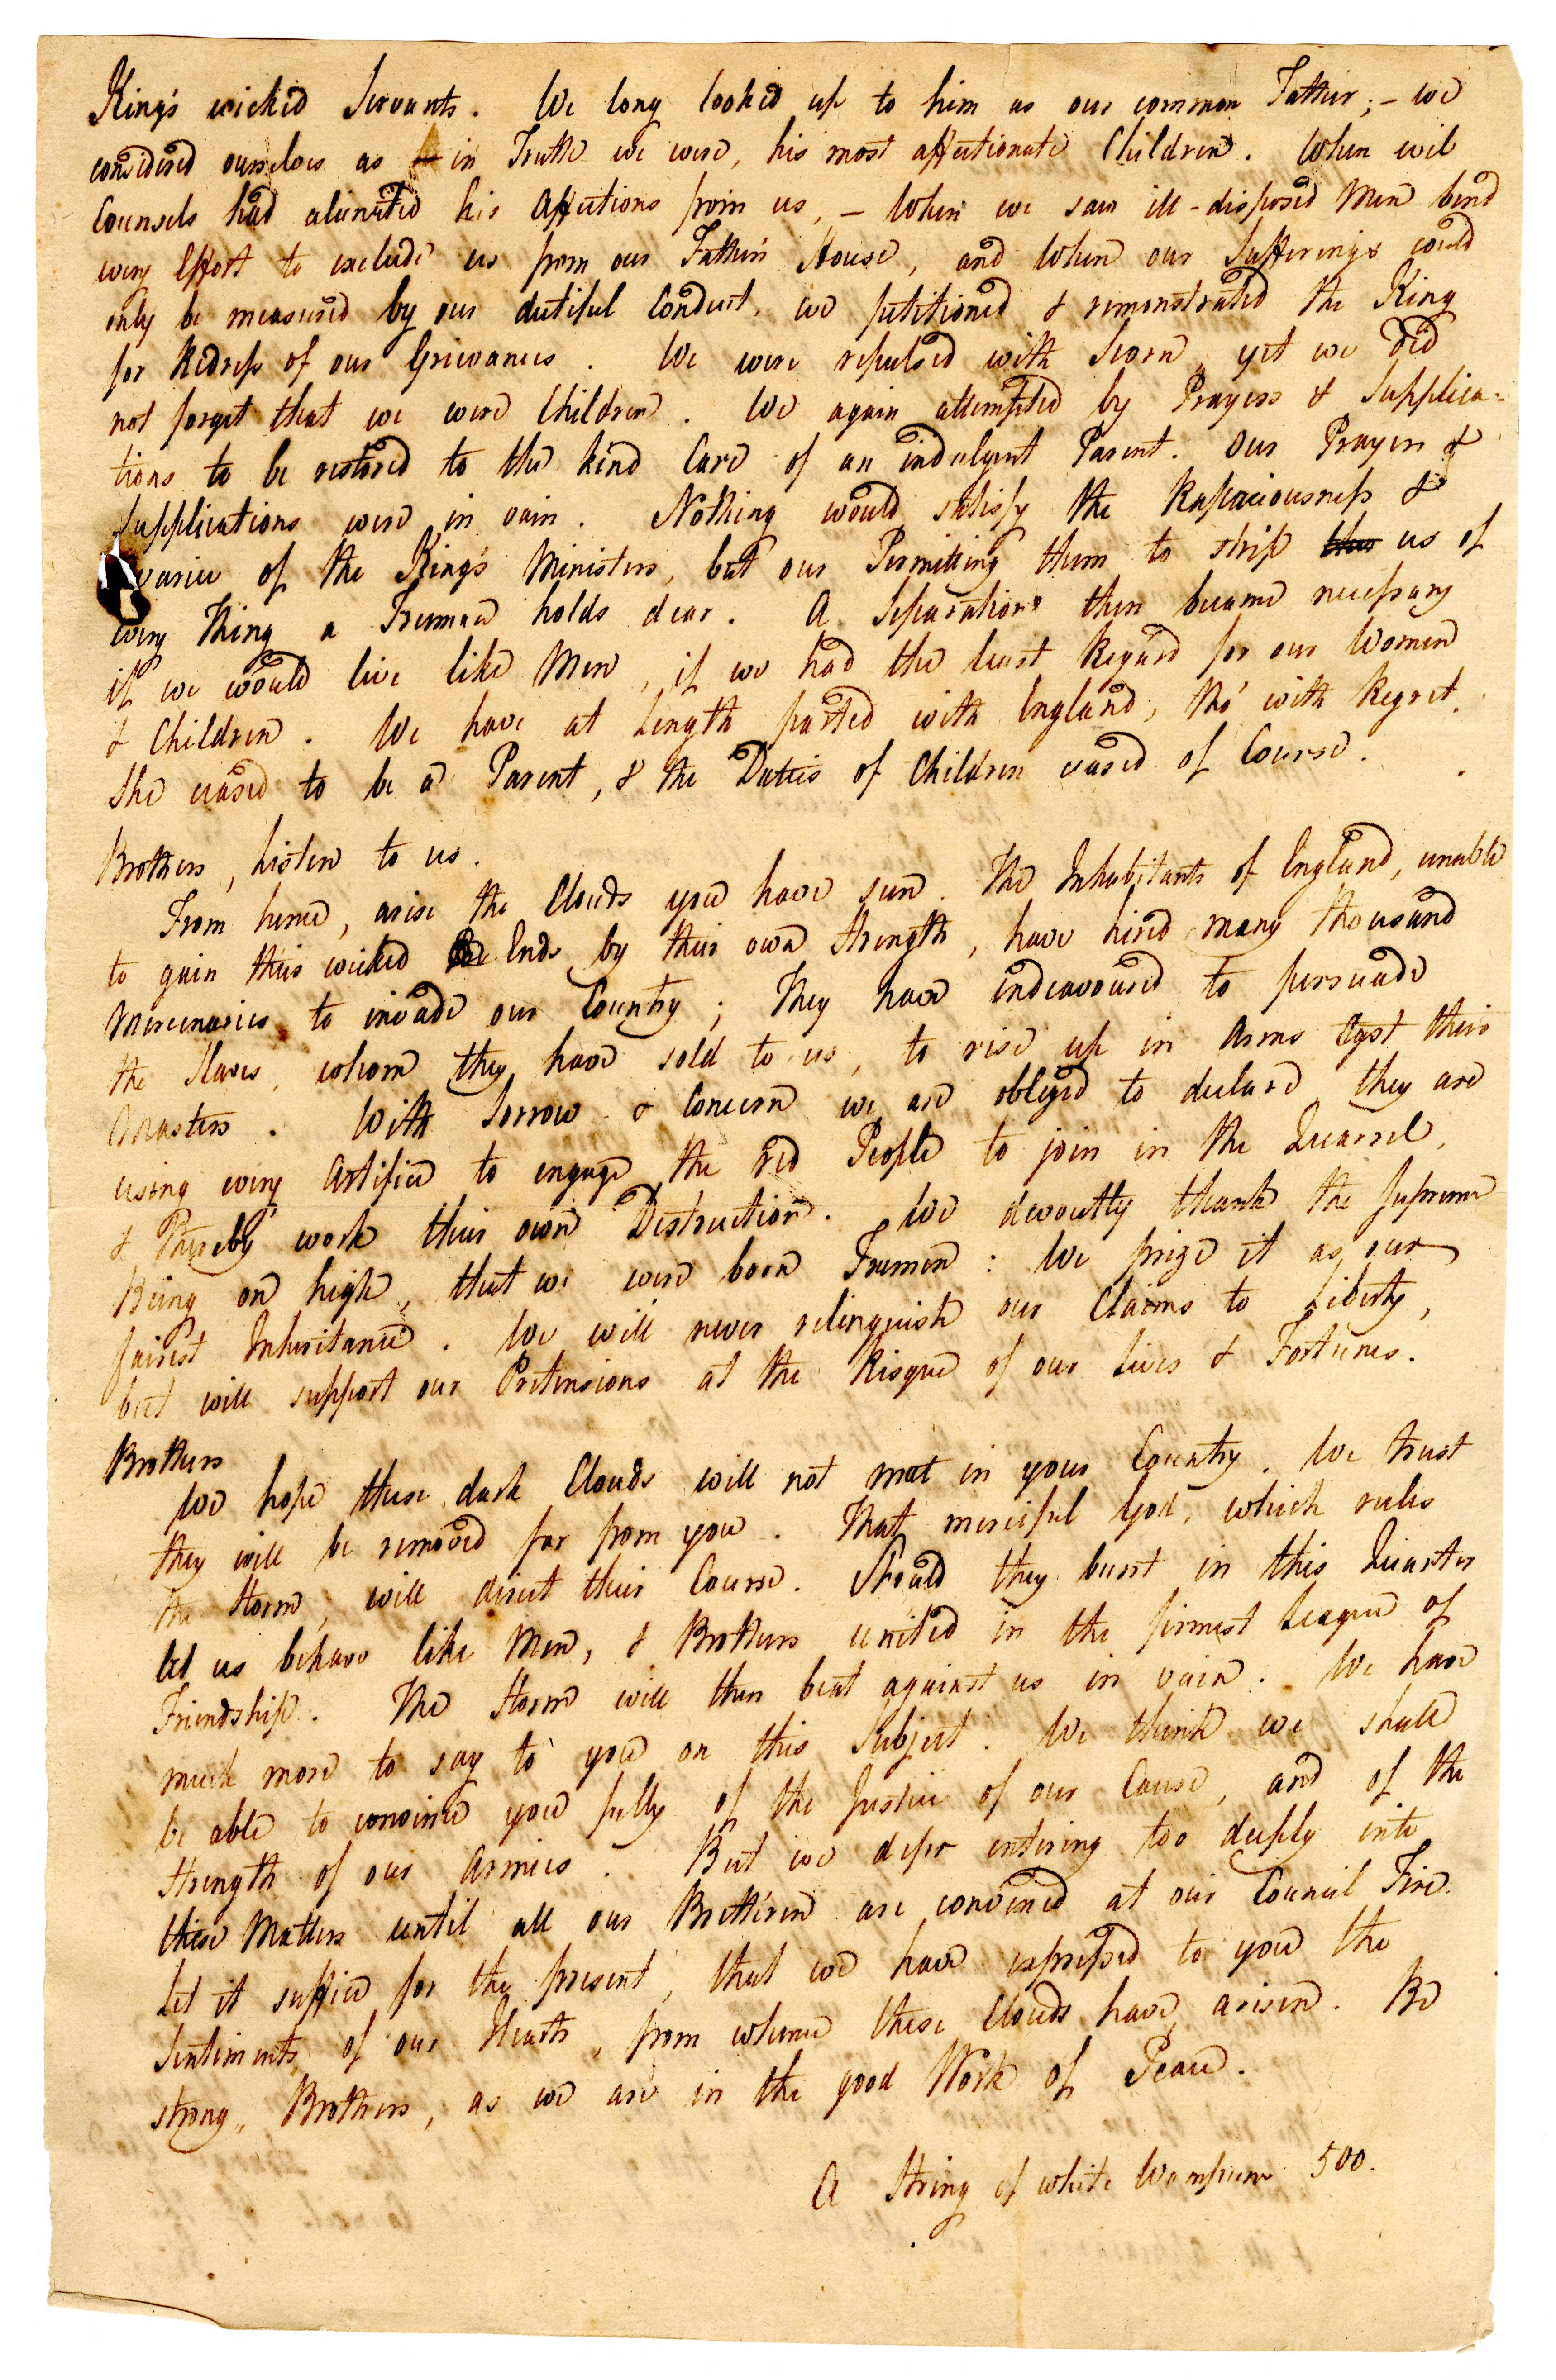King's wicked Servants. We long looked up to him as our common Father;- we
considered ourselves as – in Truth we were, his most affectionate Children. When evil
Counsels had alienated his Affections from us,- When we saw ill-disposed Men bend
every Effort to exclude us from our Father's House, and when our Sufferings could
only be measured by our dutiful Conduct, we petitioned & remonstrated the King
for Redress of our Grievances. We were repulsed with Scorn yet we did
not forget that we were Children. We again attempted by Prayers & Supplica-
tions to be restored to the kind Care of an indulgent Parent. Our Prayers &
Supplications were in vain. Nothing would satisfy the Rapaciousness &
Avarice of the King's Ministers, but our Permitting them to strip [____] us of
every thing a Freeman holds dear. A Separation then became necessary
if we would live like Men, if we had the least Regard for our Women
& Children. We have at Length parted with England, tho' with Regret.
she ceased to be a Parent, & the Duties of Children ceased of Course.
Brothers, Listen to us.
From hence, arise the clouds you have seen. The Inhabitants of England, unable
to gain these wicked Ends by their own Strength, have hired many thousand
mercenaries to invade our Country; They have endeavoured to persuade
the Slaves, whom they have sold to us, to rise up in Arms Agst their
Masters. With Sorrow & Concern we are obliged to declare they are
using every Artifice to engage the red People to join in the Quarrel
& thereby work their own Destruction. We devoutly thank the Supreme
Being on high, that we were born Freemen: We prize it as our
fairest Inheritance. We will never relinquish our Claims to Liberty,
but will support our Pretensions at the Risque of our Lives & Fortunes.
Brothers
We hope these dark Clouds will not meet in your Country. We trust
they will be removed far from you. That merciful God, which rules
the Storm will direct their Course. Should they burst in this Quarter
let us behave like Men, & Brothers united in the firmest League of
Friendship. The Storm will then beat against us in vain. We have
much more to say to you on this Subject. We think we shall
be able to convince you fully of the Justice of our Cause, and of the
strength of our Armies. But we defer entering too deeply into
these Matters until all our Bretheren are convened at our Council Fire.
Let it suffice for the present, that we have expressed to you the
Sentiments of our Hearts, from whence these Clouds have arisen. Be
strong, Brothers, as we are in the good Work of Peace.
A String of white Wampum 500.